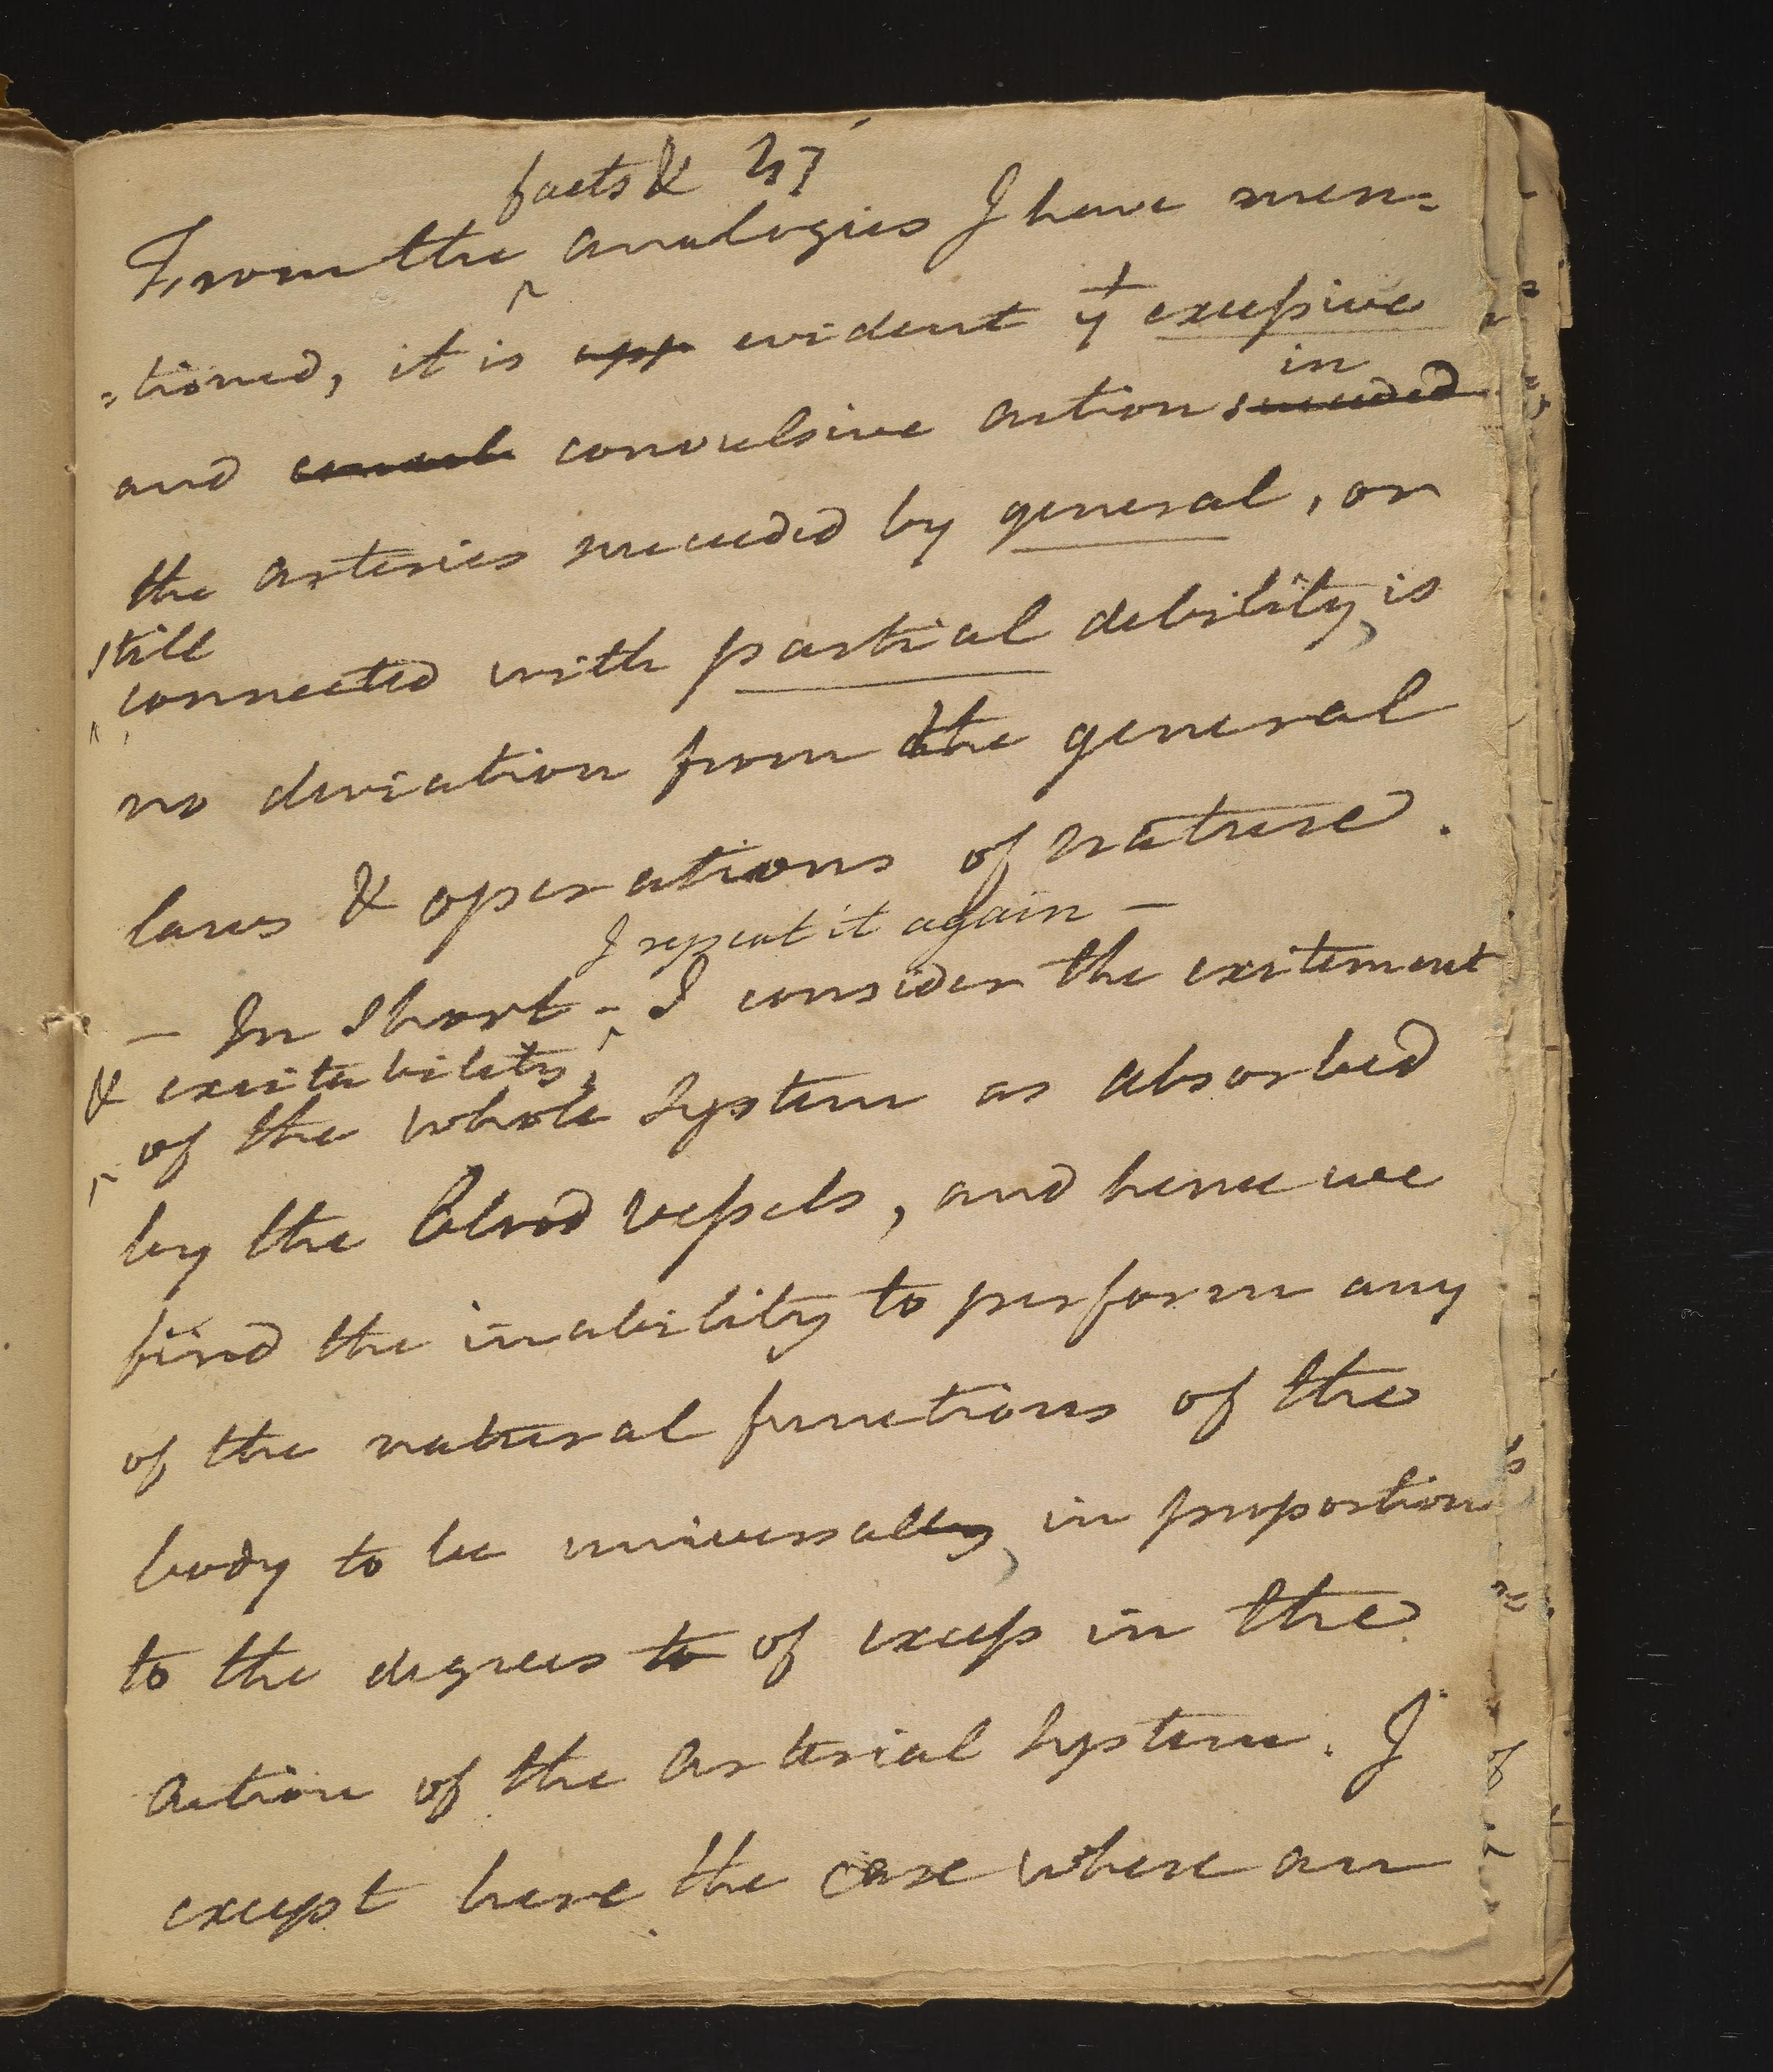facts & 47
From the ^ analogies I have men-
-tioned, it is [app] evident y^t excessive
in
and [convuk] convulsive action [succeded]
the arteries preceded by general, or
still
connected with partial debility, is
no deviation from the general
laws & operations of nature.
I repeat it again,
- In short, ^ I consider the excitement
& excitability
^ of the whole system as absorbed
by the blood vessels, and hence we
find the inability to perform any
of the natural functions of the
body to be universally in proportion
to the degrees of excess in the
action of the arterial system. I
except here the case where an